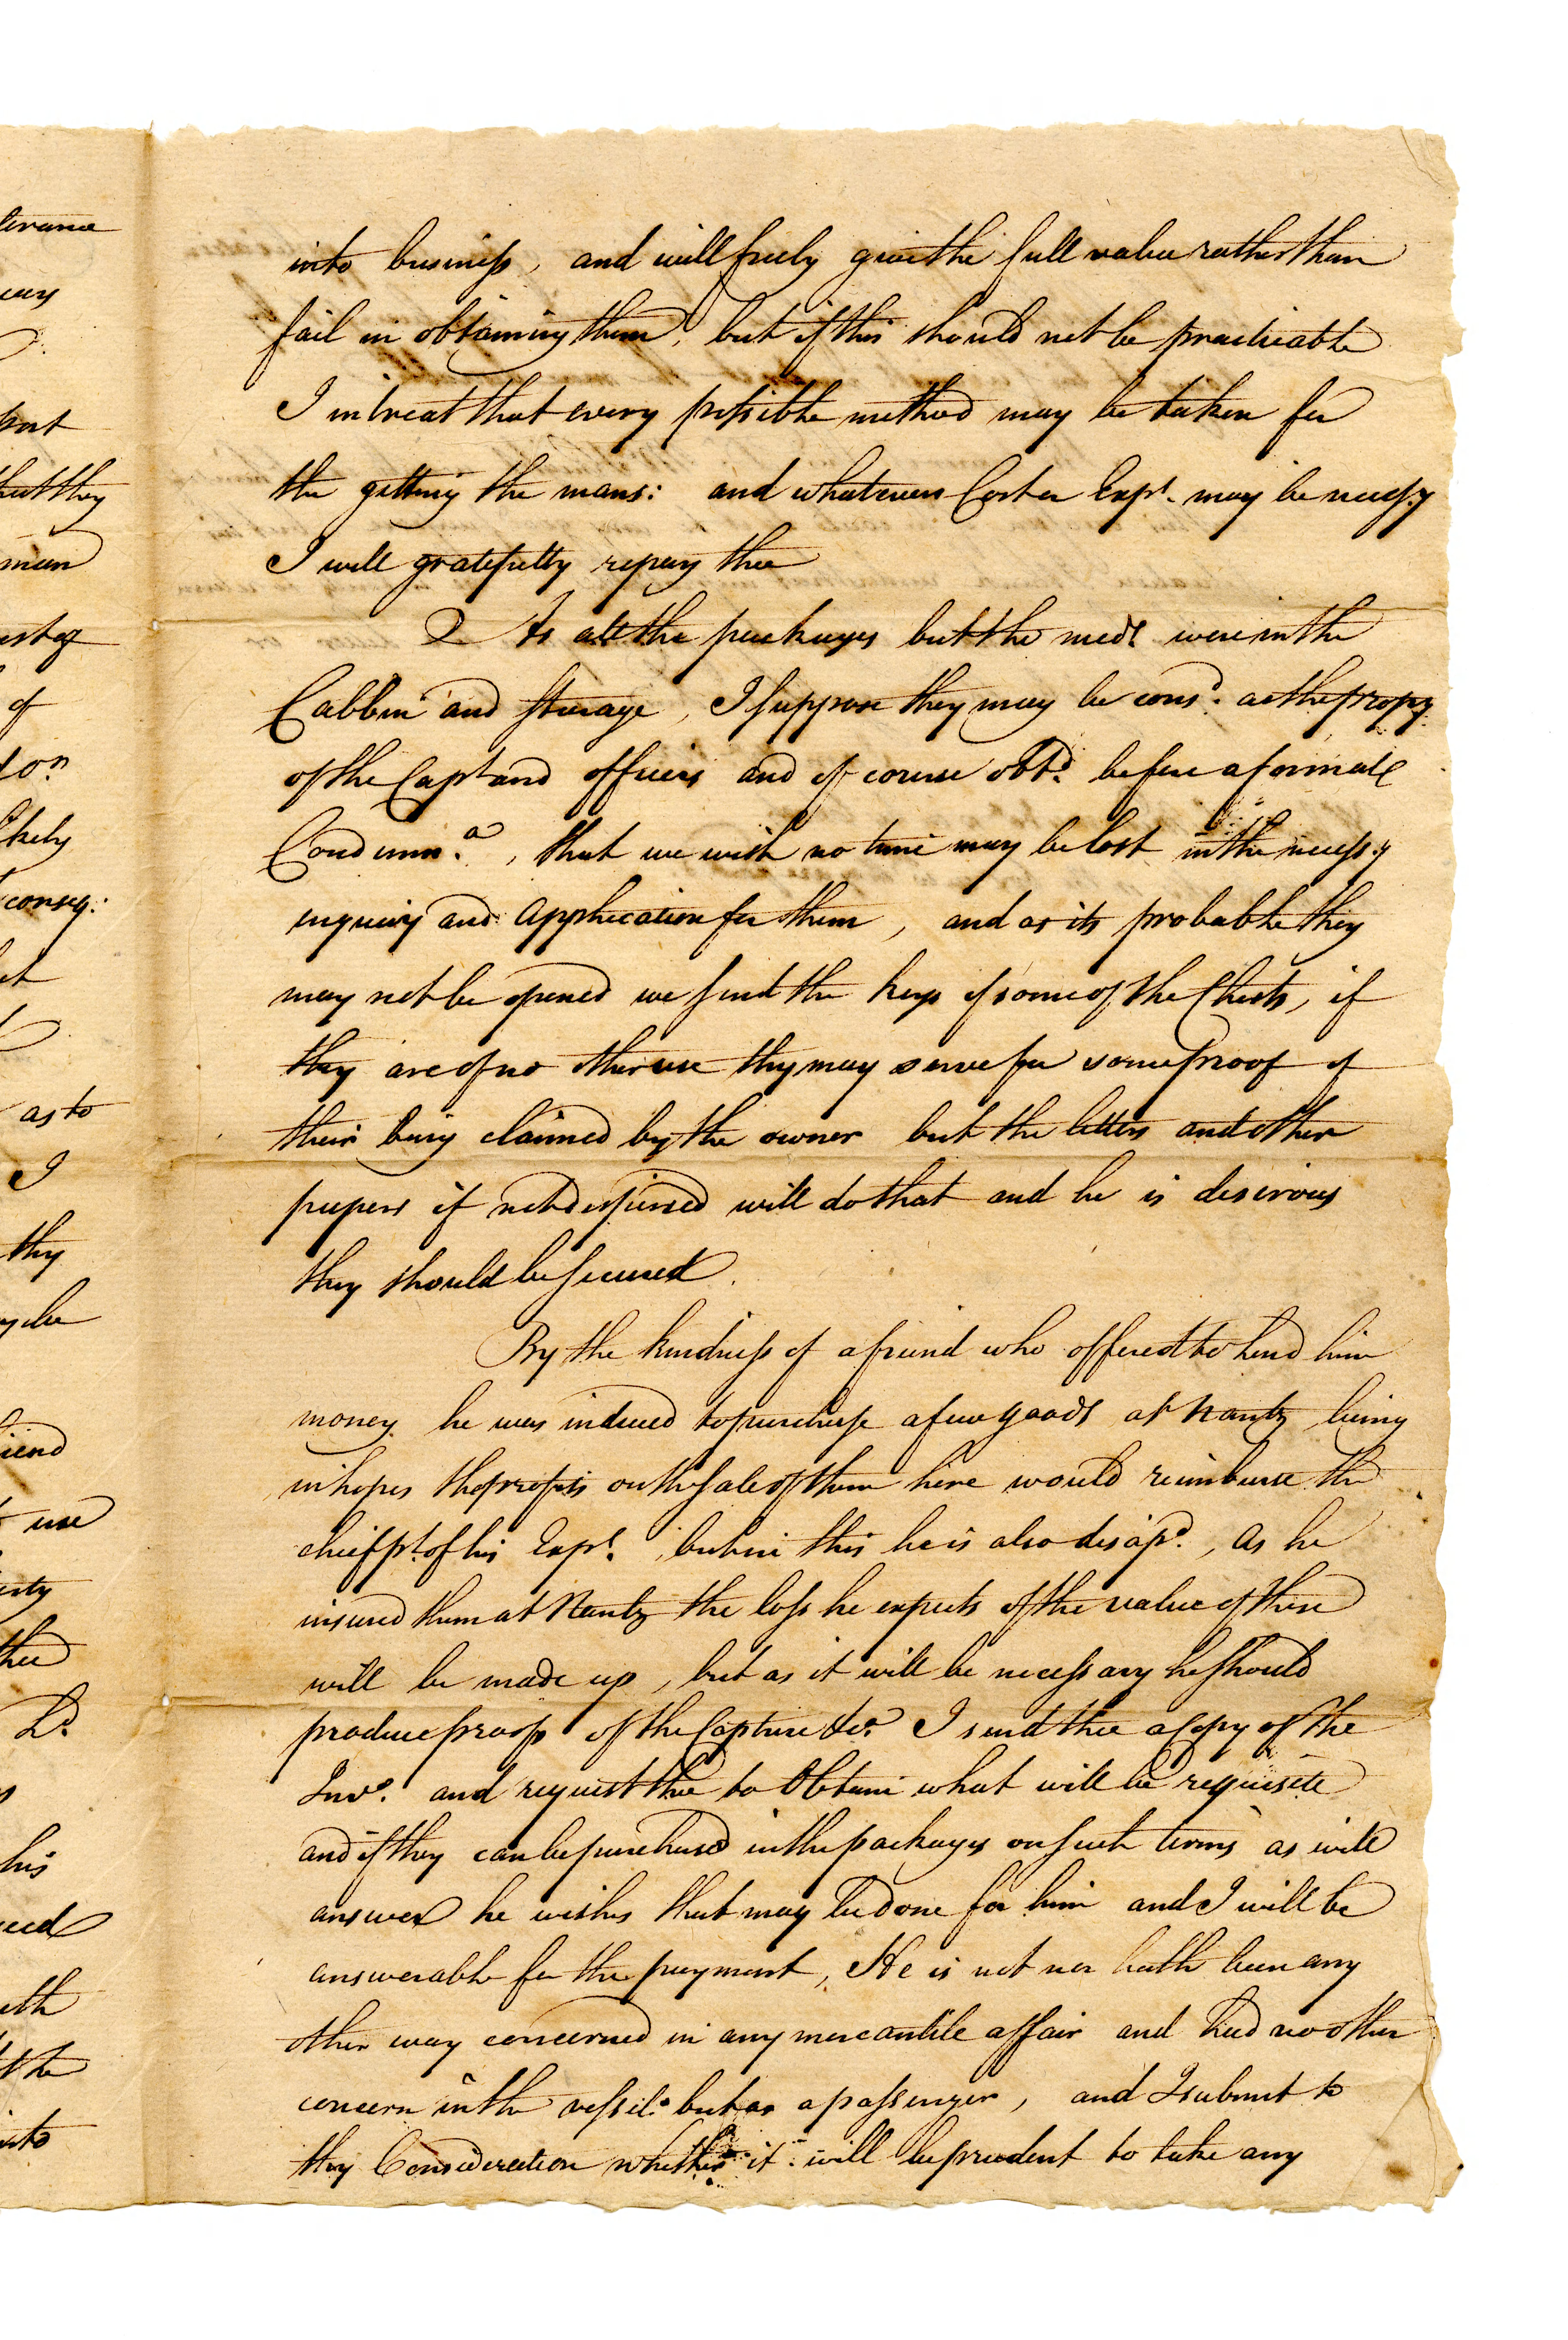into business, and will freely give the full value rather than
fail in obtaining them, but if this should not be practicable
I intreat that every possible method may be taken for
the getting the mans: and whatever Cost or Exp^s. may be neces.y
I will gratefully repay thee
As all the packages but the med^s. were in the
Cabbin and Storage, I suppose they may be cons^d. as the prop^y
of the Cap^t and officers and of course obt^d. before a formall
Condumn^a., that we wish no time may be lost in the necess.y
enquiry and application for them, and as its probable they
may not be opened we find the keys of some of the Chests, if
they are of no other use they may serve for some proof of
their being claimed by the owner but the letters and other
papers if not disturbed to that and he is desirous
they should be secured.
By the kindness of a friend who offered to Lend him
money. he was induced to purchase a few goods at Nantz being
in hopes the profits on the sale of them here would reimburse the
chief p^t. of this Exp^s. but in this he is also disap^d., as he
insured them at Nantz the loss he expects of the value of these
will be made up, but as it will be necessary he should
produce proof of the Capture &c^a. I send thee a Copy of the
Inv^o. and request thee to Obtain what will be requested
and if they can be purchased in the packages on such terms as will
answer he wishes that may be done for him and I will be
answerable for the payment. He is not nor hath been any
other way concerned in any mercantile affair and had no other
concern in the vessel but as a passenger, and I submit to
thy Consideration whether it will be prudent to take any